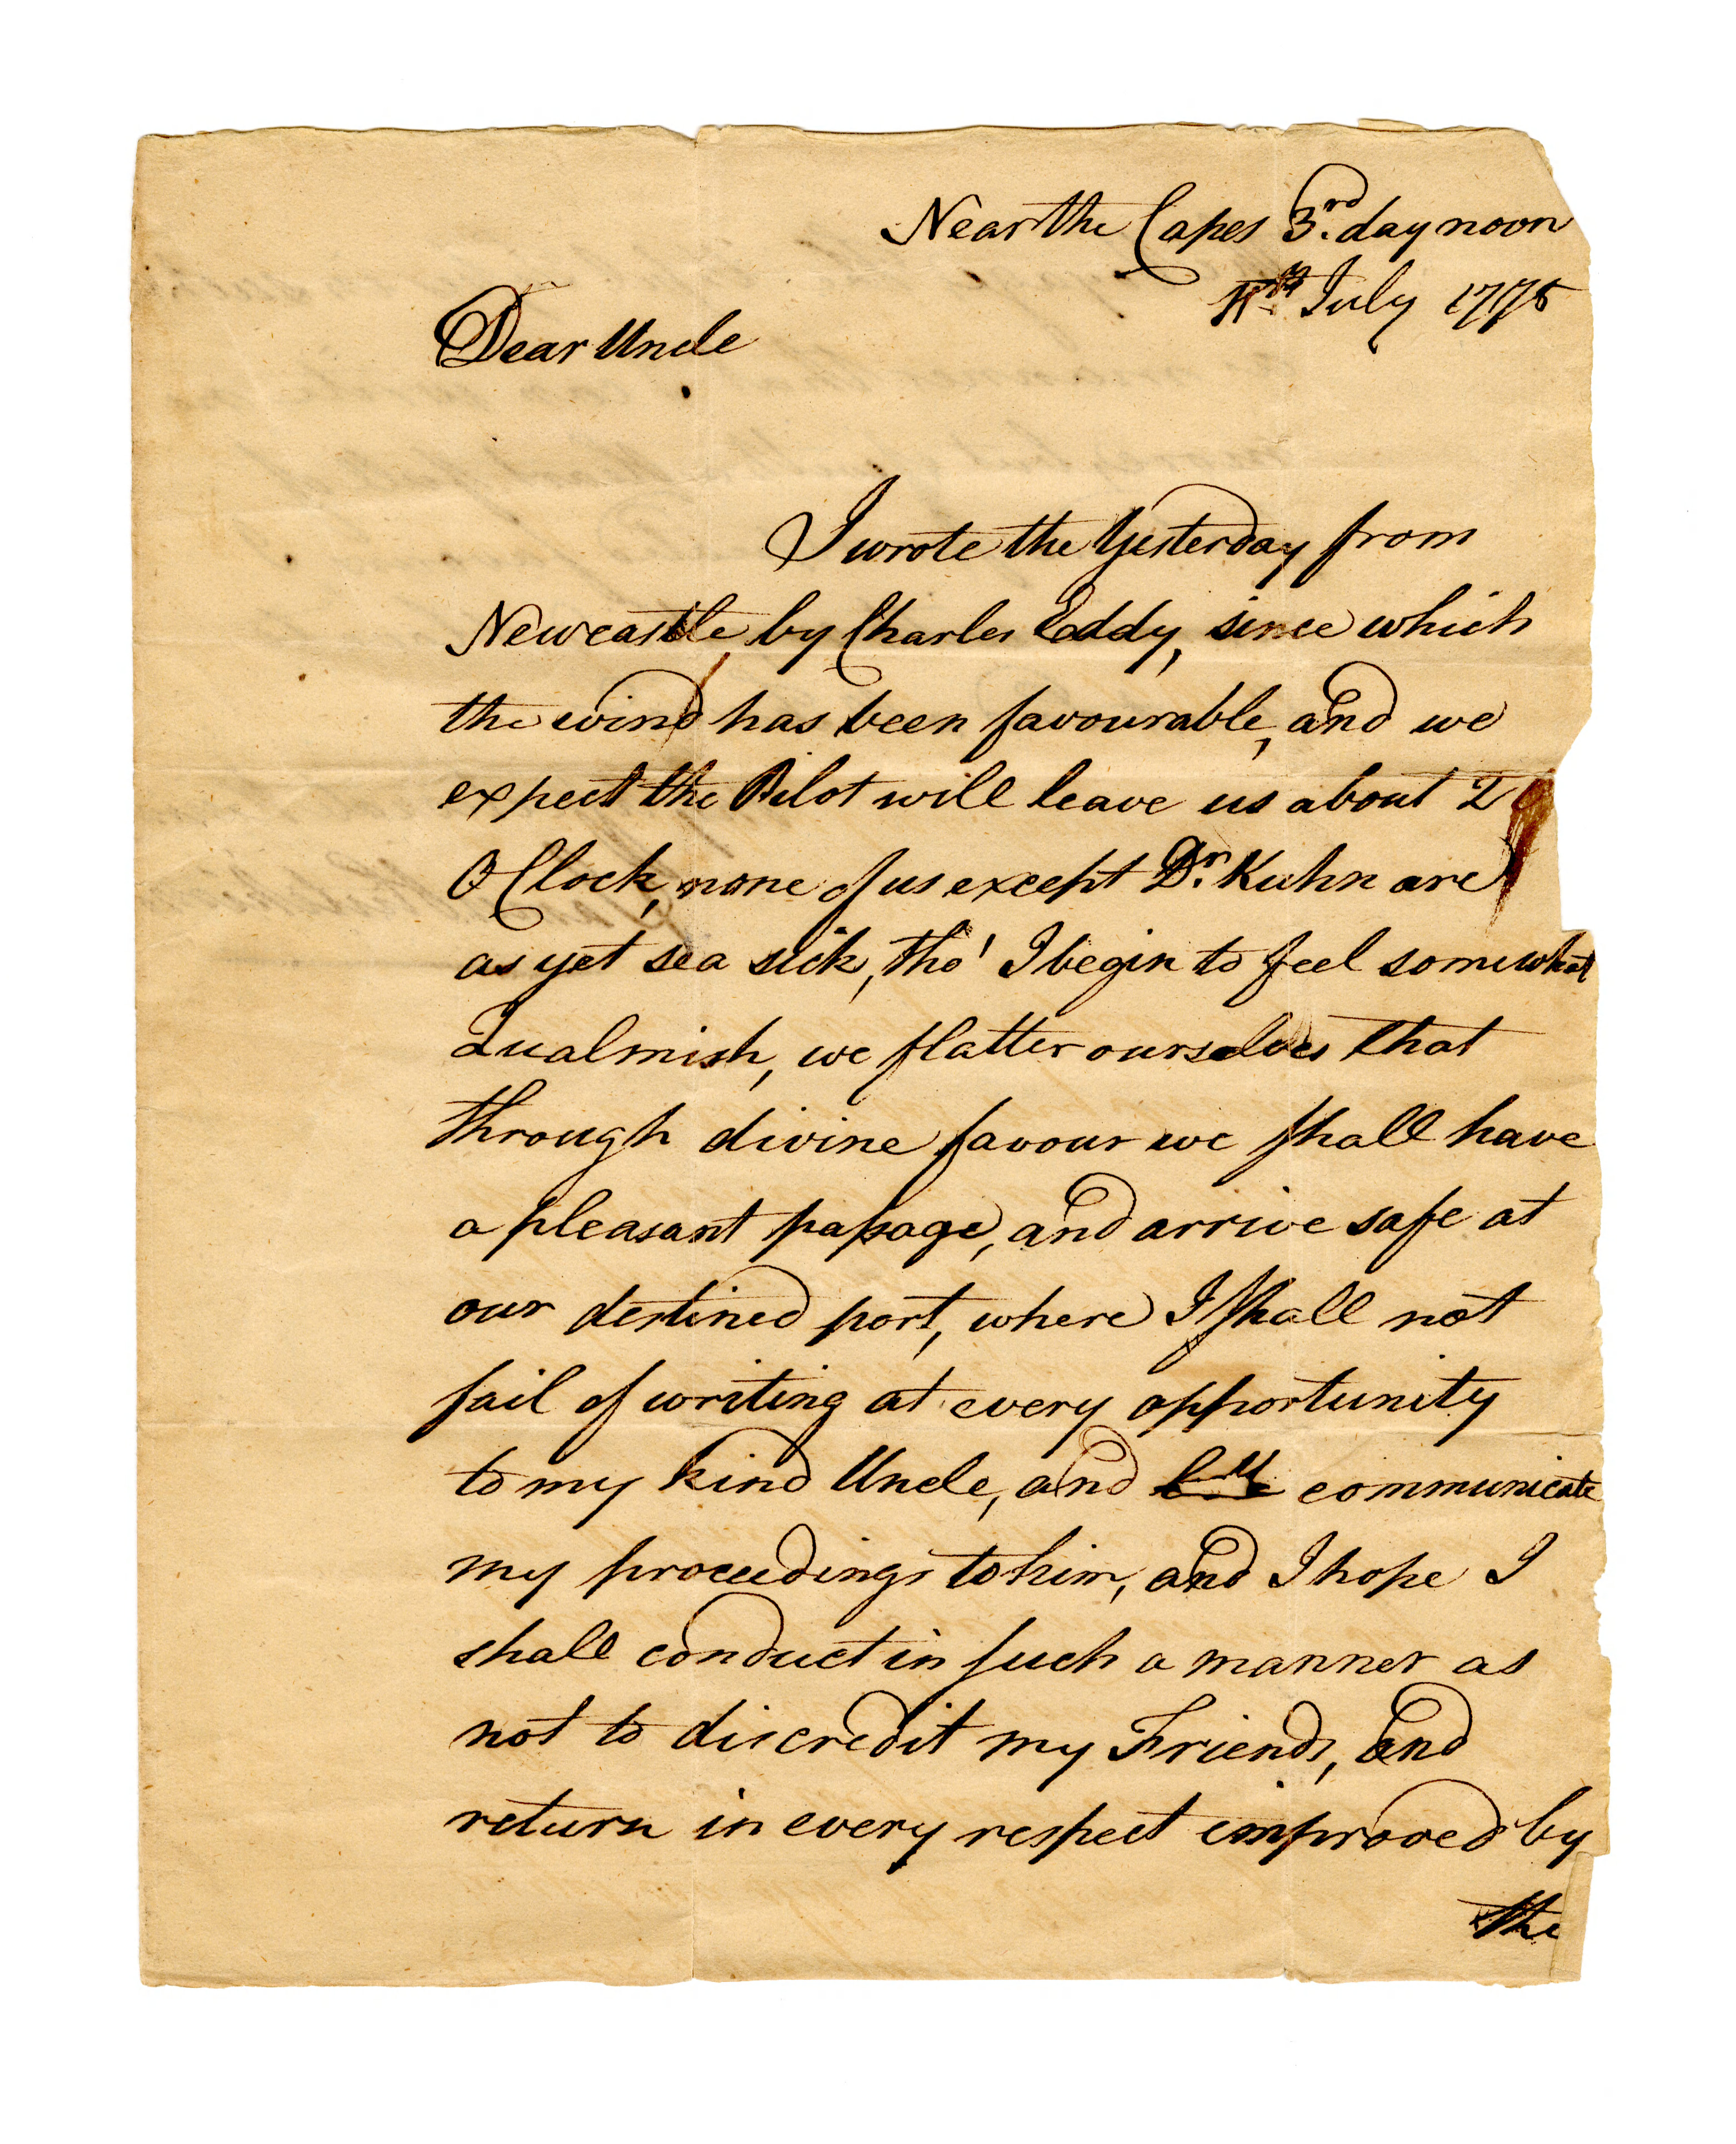Near the Capes 3^rd. day noon
11^th July 1775
Dear Uncle
I wrote the yesterday from
Newcastle by Charles Eddy, since which
the wind has been favourable, and we
expect the Pilot will leave us about 2
oClock, none of us except D^r. Kuhn are
as yet sea sick, tho' I begin to feel somewhat
Qualmish, we flatter ourselves that
through divine favour we shall have
a pleasant passage, and arrive safe at
our destined port, where I shall not
fail of writing at every opportunity
to my kind Uncle, and [____] communicate
my proceedings to him, and I hope I
shall conduct in such a manner as
not to discredit my Friends, and
return in every respect improved by
the